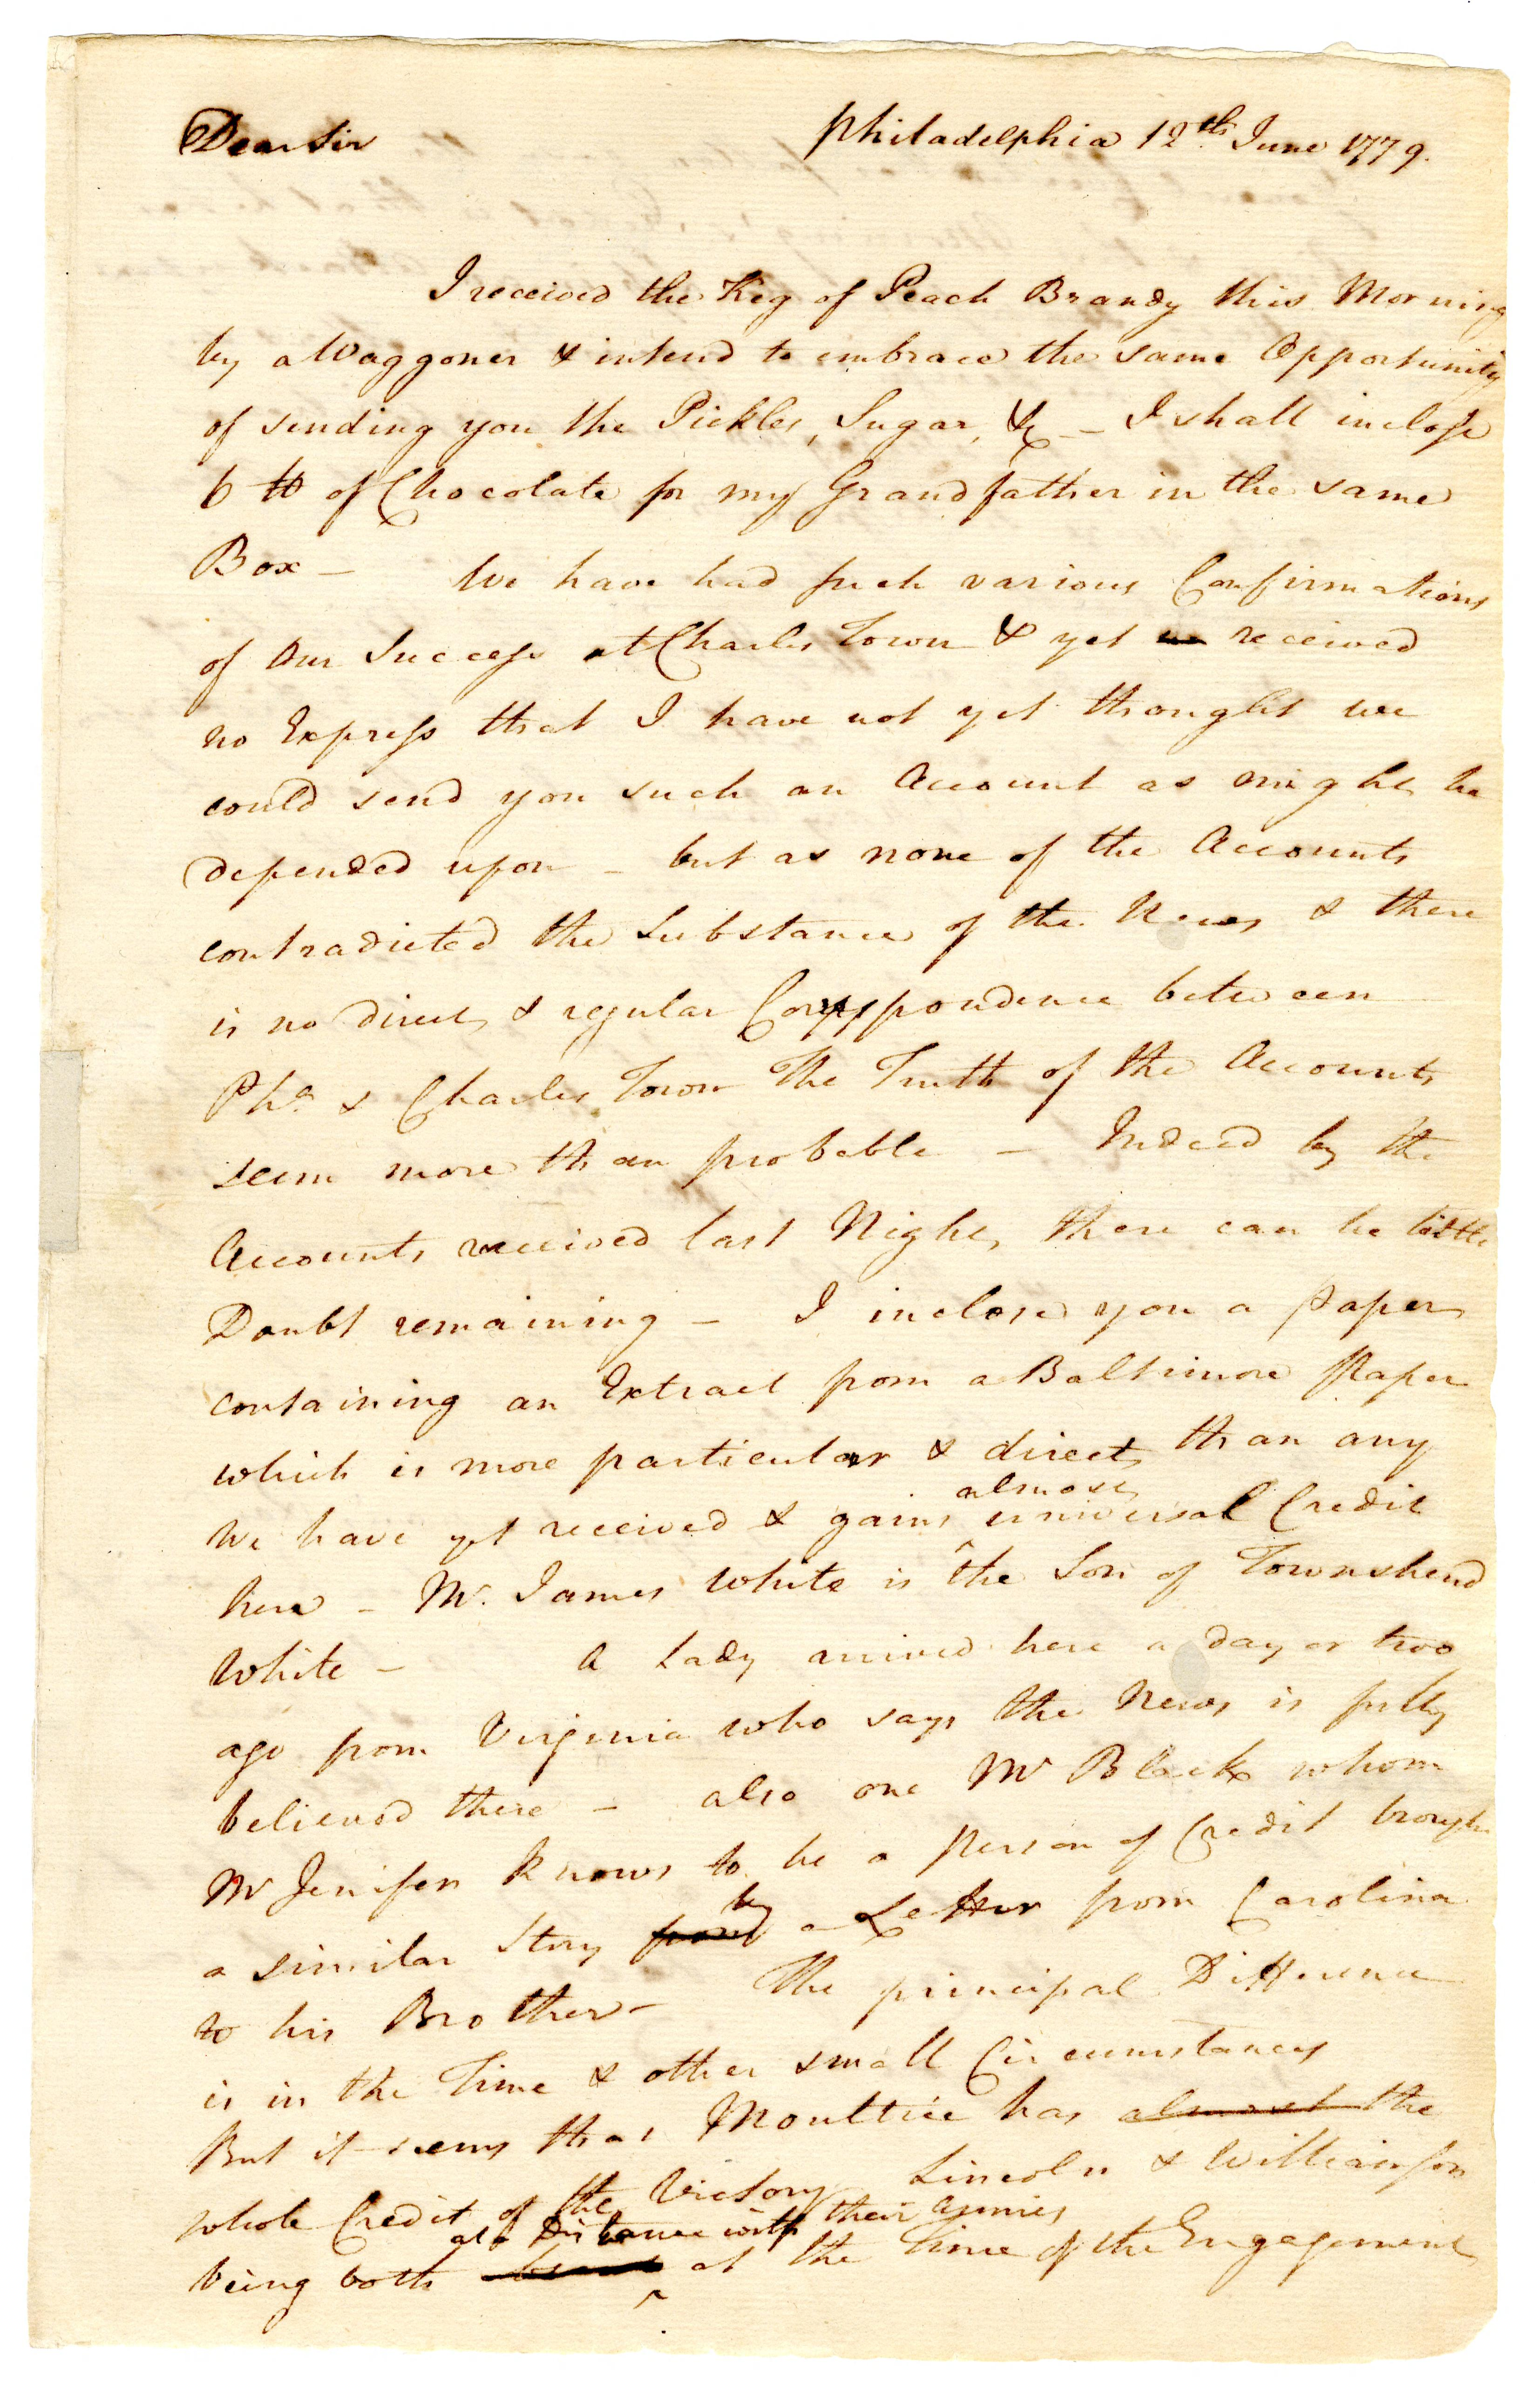Philadelphia 12^th June 1779.
Dear Sir
I received the Keg of Peach Brandy this Morning
by a Waggoner & intend to imbrace the same Opportunity
of sending you the Pickles, Sugar, &c. I shall inclose
6 10 of Chocolate for my Grand father in the same
Box. We have had such various Confirmations
of Our Success at Charles Town & yet we received
no Express that I have not yet thought we
could send you such an Account as might be
depended upon, but as none of the Accounts
contradicted the Substance of the News & there
is no direct, & regular Correspondence between
Ph^a. & Charles Town The Truth of the Accounts
seem more than probable. Indeed by the
Account received last Night, there can be little
Doubt remaining. I inclose you a paper
containing an Extract from a Baltimore Paper
which is more particutar & direct than any
almost
we have yet received & gains universal Credit
here. M^r. James White is the Son of Townshend
white. A lady arived here a day or two
ago from Virginia who says the News is fairly
believed there. also one M^r Black whom
M^r Jenifer knows to be a person of Credit brought
a similar Story from ^ a Letter from Carolina
to his Brother. The principal Difference
is in the Time & other small Circumstances
But it seems that Moultice has almost the
whole Credit of the Victory, Lincoln & Williamson
at a Distance with their armies
being both observed ^ at the Time of the Engagement